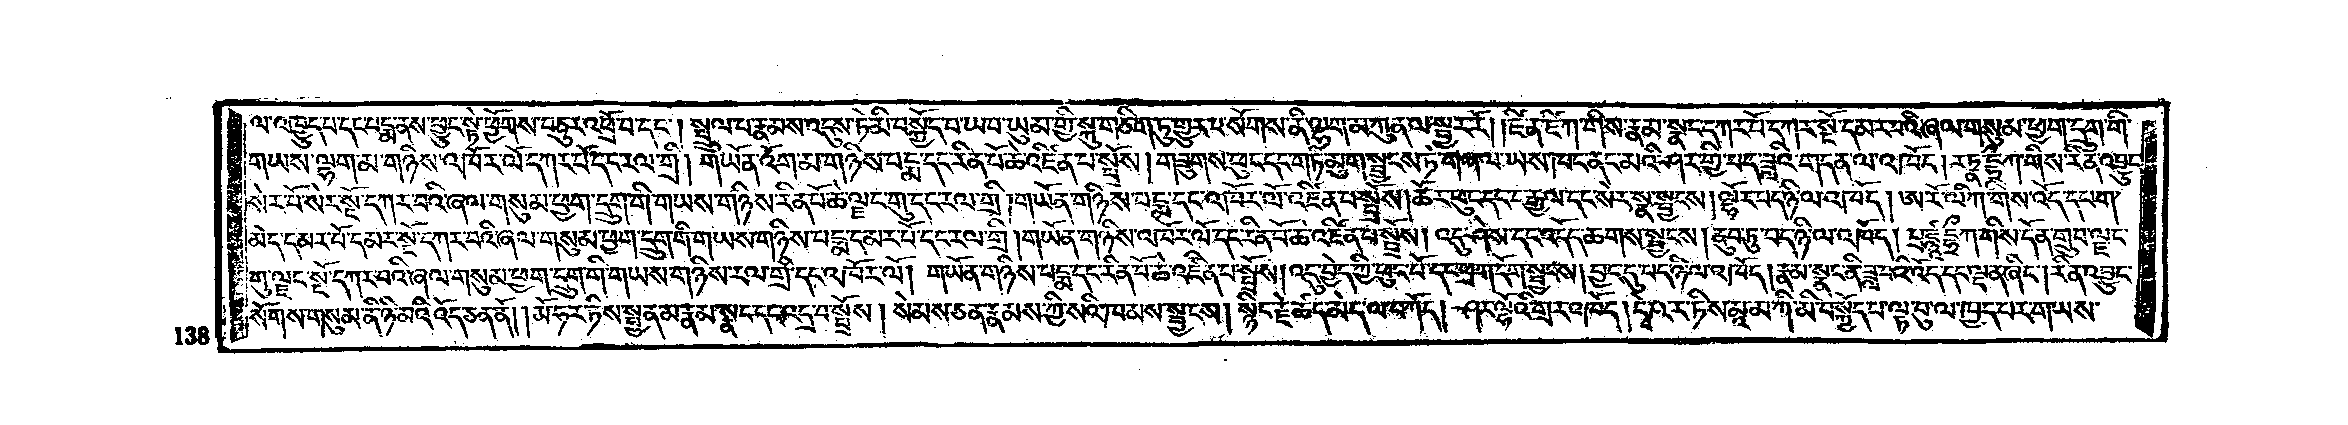ལ་འཁྱུད་པ་དང་པདམ་ནས་ཕྱུང་སྟེ་ཕྱོགས་བཅུར་འཕྲོ་བ་དང་། སྤྲུལ་པ་རྣམས་འདུས་ཏེ་མི་བསྐྱོད་པ་ཡབ་ཡུམ་གྱི་སྐུ་གཅིག་ཏུ་གྱུར་པ་སོགས་ནི་ལྷག་མ་ཀུན་ལ་སྦྱར་རོ། །ཛི་ན་ཛི་ཀ་གིས་རྣམ་སྣང་དཀར་པོ་དཀར་སྔོ་དམར་བའི་ཞལ་གསུམ་ཕྱག་དྲུག་གི་
གཡས་ལྷག་མ་གཉིས་འཁོར་ལོ་དཀར་པོ་དང་རལ་གྲི། གཡོན་འོག་མ་གཉིས་པདམ་དང་རིན་པོ་ཆེ་འཛིན་པ་སྤྲོས། གཟུགས་ཕུང་དང་གཏི་མུག་སྦྱངས་ཏེ་གཞལ་ཡས་ཁང་ནང་མའི་ཤར་གྱི་པད་ཟླའི་གདན་ལ་འཁོད། རཏྣ་དྷྲྀ་ཀ་གིས་རིན་འབྱུང་
སེར་པོ་སེར་སྔོ་དཀར་བའི་ཞལ་གསུམ་ཕྱག་དྲུག་གི་གཡས་གཉིས་རིན་པོ་ཆེ་ལྗང་གུ་དང་རལ་གྲི། གཡོན་གཉིས་པདམ་དང་འཁོར་ལོ་འཛིན་པ་སྤྲོས། ཚོར་ཕུང་དང་ང་རྒྱལ་དང་སེར་སྣ་སྦྱངས། ལྷོར་པད་ཉི་ལ་འཁོད། ཨ་རོ་ལི་ཀ་གིས་འོད་དཔག་
མེད་དམར་པོ་དམར་སྔོ་དཀར་བའི་ཞལ་གསུམ་ཕྱག་དྲུག་གི་གཡས་གཉིས་པདམ་དམར་པོ་དང་རལ་གྲི། གཡོན་གཉིས་འཁོར་ལོ་དང་རིན་པོ་ཆེ་འཛིན་པ་སྤྲོས། འདུ་ཤེས་དང་འདོད་ཆགས་སྦྱངས། ནུབ་ཏུ་པད་ཉི་ལ་འཁོད། པྲཛྙཱ་དྷྲྀ་ཀ་གིས་དོན་གྲུབ་ལྗང་
གུ་ལྗང་སྔོ་དཀར་བའི་ཞལ་གསུམ་ཕྱག་དྲུག་གི་གཡས་གཉིས་རལ་གྲི་དང་འཁོར་ལོ། གཡོན་གཉིས་པདམ་དང་རིན་པོ་ཆེ་འཛིན་པ་སྤྲོས། འདུ་བྱེད་ཀྱི་ཕུང་པོ་དང་ཕྲག་དོག་སྦྱངས། བྱང་དུ་པད་ཉི་ལ་འཁོད། རྣམ་སྣང་ནི་ཟླ་བའི་འོད་དང་ལྡན་ཞིང་། རིན་འབྱུང་
སོགས་གསུམ་ནི་ཉི་མའི་འོད་ཅན་ནོ། །མོ་ཧ་ར་ཏིས་སྤྱན་མ་རྣམ་སྣང་དང་འདྲ་བ་སྤྲོས། སེམས་ཅན་རྣམས་ཀྱི་སའི་ཁམས་སྦྱངས། སྙིང་རྗེ་ཚད་མེད་ལ་བཀོད། ཤར་ལྷོའི་གྲར་འཁོད། དྭེ་ཥ་ར་ཏིས་མཱ་མ་ཀི་མི་བསྐྱོད་པ་ལྟ་བུ་ལ་ཁྱད་པར་གཡས་